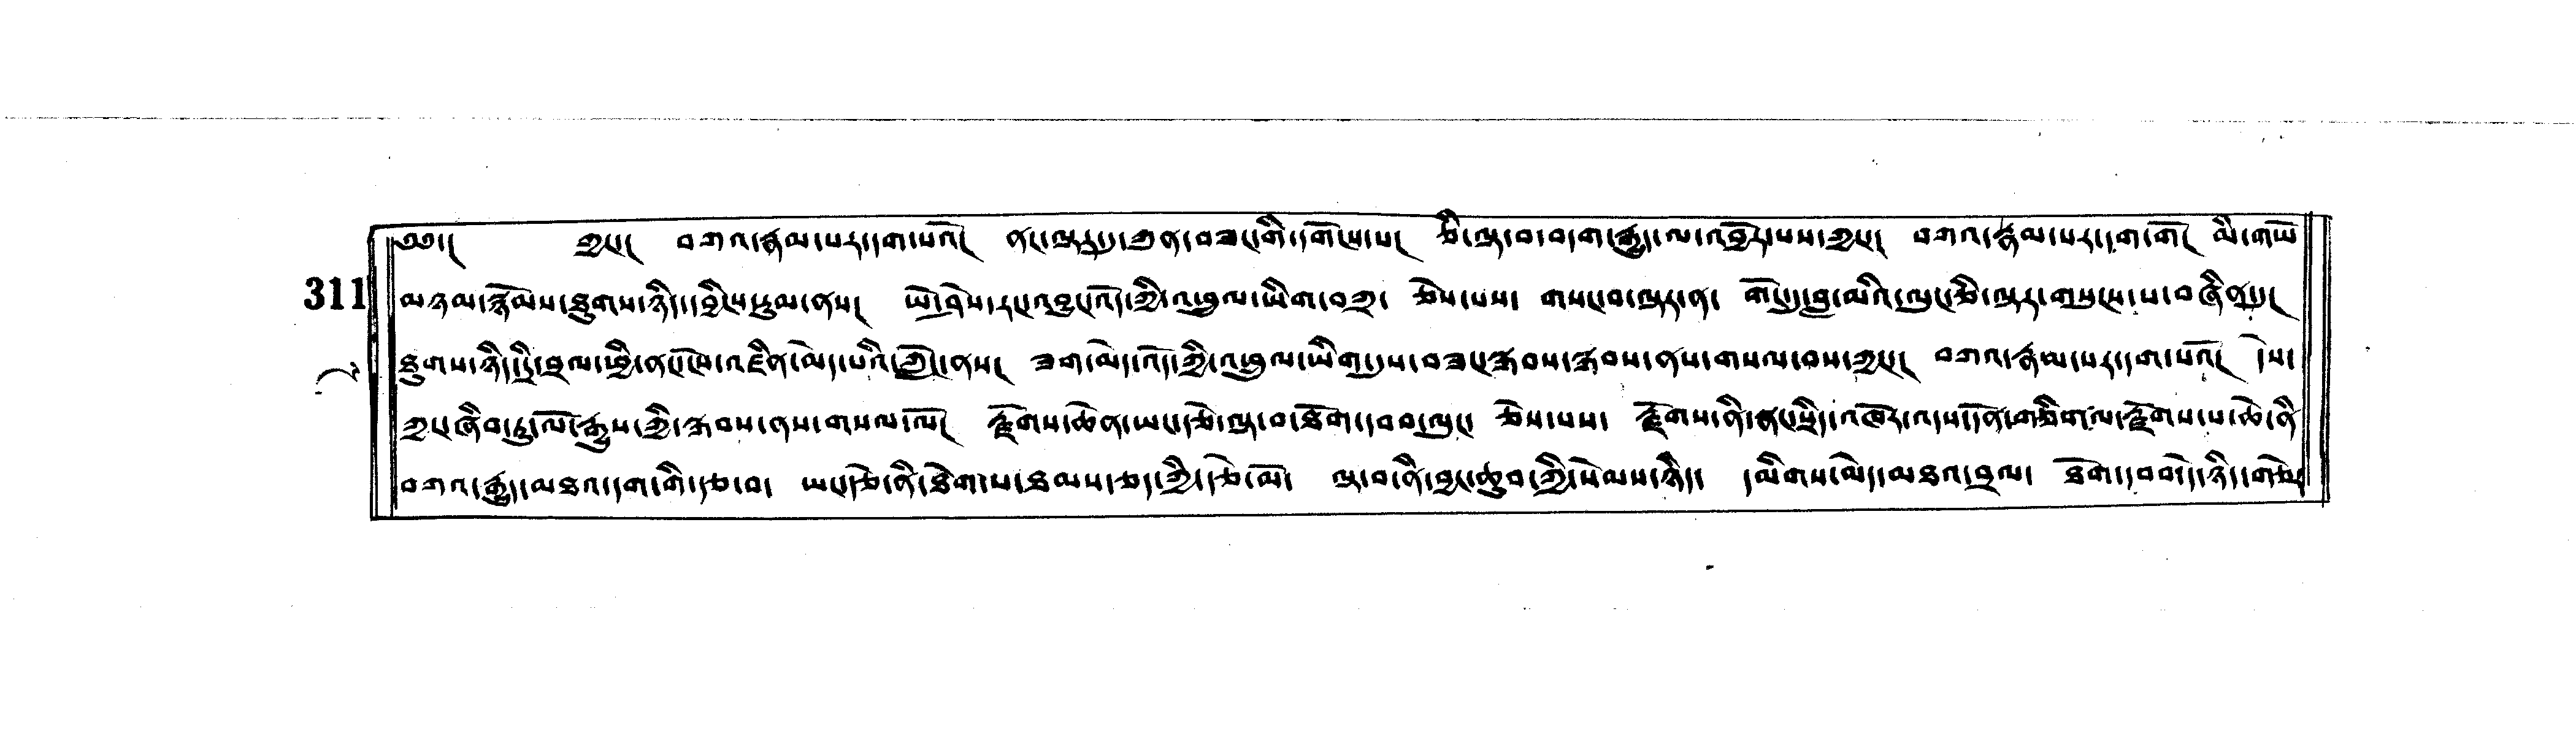ཀྱང་བཀའ་རྣམ་པར་དག་པའོ། ནང་ལྟར་དུ་ཀུན་བཟང་གི་དགོངས་པ། ཅི་ལྟ་བ་བདག་རྒྱུད་ལ་འབྱོར་བས་ཀྱང་། བཀའ་རྣམ་པར་དག་པའོ། མི་གཡོ་
མཉམ་སྙོམས་ཐུགས་ཉིད་དབྱིངས་རུམ་ནས། ཡེ་ཤེས་རང་འབྱུང་འོད་ཀྱི་འཕྲུལ་ཡིག་བཀྲ། ཅེས་པས། གསང་བ་ལྟར་ན་གོང་དུ་བླ་མའི་ལུང་ཇི་ལྟར་གསུངས་པ་བཞིན་དུ། 
ཐུགས་ཉིད་དྲི་བྲལ་ཕྱི་ནང་ངོས་འཛིན་མེད་པའི་ཀློང་ནས། ཟག་མེད་འོད་ཀྱི་འཕྲུལ་ཡིག་དུས་བཟང་སྐབས་སྐབས་ནས་གསལ་བས་ཀྱང་། བཀའ་རྣམ་པར་དག་པའོ། དེས་
ཀྱང་ཞིབ་ཏུ་ལོ་རྒྱུས་ཀྱི་སྐབས་ནས་གསལ་ལོ། རྫོགས་ཆེན་ཡང་རྩེ་ལྟ་བ་ཐོག་དབབ་ལུང་། ཅེས་པས། རྫོགས་ནི་སྣང་སྲིད་འཁོར་འདས་དོན་གཅིག་ལ་རྫོགས་པ་ཆེ་ནི་
བཀའ་བརྒྱུད་མཐའ་དག་གི་རྩ་བ་ཡང་རྩེ་ནི་ཐེག་པ་ཐམས་ཅད་ཀྱི་རྩེ་མོ། ལྟ་བ་ནི་བྱང་ཆུབ་ཀྱི་སེམས་ཉིད། དམིགས་མེད་མཐའ་བྲལ། ཐོག་དབབ་དེ་ཉིད་གཅེར་